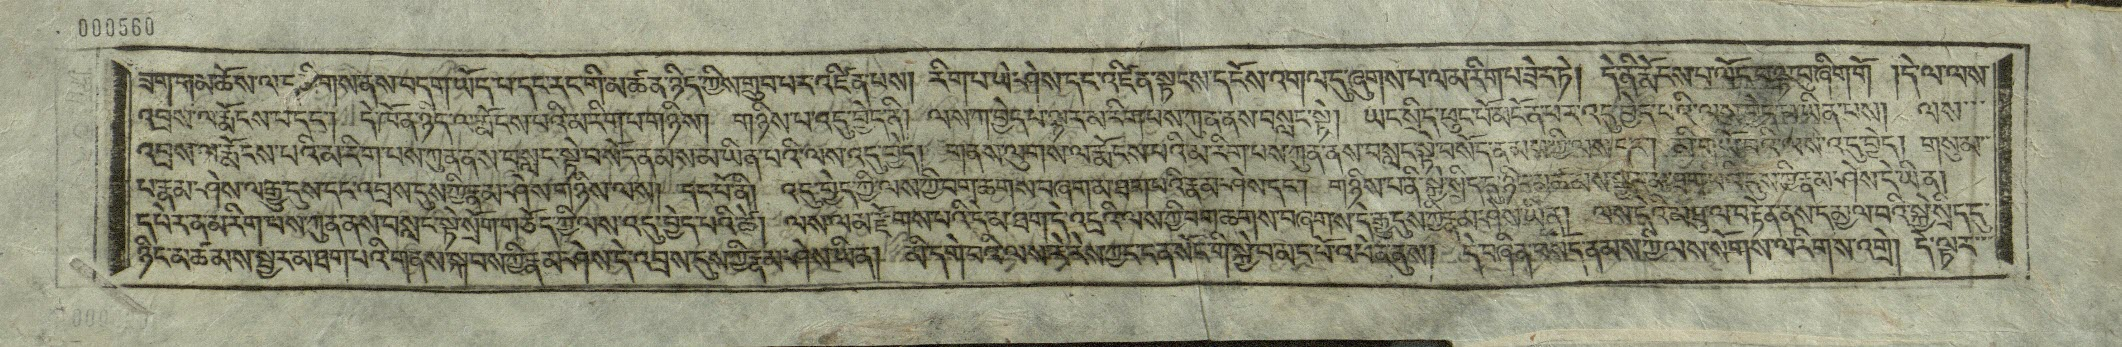ཟག་གམ་ཆོས་ལ་དམིགས་ནས་བདག་ཡོད་པ་དང་རང་གི་མཚན་ཉིད་ཀྱིས་གྲུབ་པར་འཛིན་པས། རིག་པ་ཡེ་ཤེས་དང་འཛིན་སྟངས་དངོས་འགལ་དུ་ཞུགས་པ་ལ་མ་རིག་པ་ཟེར་ཏེ། དེ་ནི་རྨོངས་པ་ལོང་བ་ལྟ་བུ་ཞིག་གོ། དེ་ལ་ལས་
འབྲས་ལ་རྨོངས་པ་དང་། དེ་ཁོ་ན་ཉིད་ལ་རྨོངས་པའི་མ་རིག་པ་གཉིས། གཉིས་པ་འདུ་བྱེད་ནི། ལས་ཀ་བྱེད་པ་ལྟར་མ་རིག་པས་ཀུན་ནས་བསླང་སྟེ། ཡང་སྲིད་ཕུང་པོ་མངོན་པར་འདུ་བྱེད་པའི་ལས་བྱེད་པ་ཡིན་པས། ལས་
འབྲས་ལ་རྨོངས་པའི་མ་རིག་པས་ཀུན་ནས་བསླང་སྟེ་བསོད་ནམས་མ་ཡིན་པའི་ལས་འདུ་བྱེད། གནས་ལུགས་ལ་རྨོངས་པའི་མ་རིག་པས་ཀུན་ནས་བསླང་སྟེ་བསོད་ནམས་ཀྱི་ལས་དང་། མི་གཡོ་བའི་ལས་འདུ་བྱེད། གསུམ་
པ་རྣམ་ཤེས་ལ་རྒྱུ་དུས་དང་འབྲས་དུས་ཀྱི་རྣམ་ཤེས་གཉིས་ལས། དང་པོ་ནི། འདུ་བྱེད་ཀྱི་ལས་ཀྱི་བག་ཆགས་བཞག་མ་ཐག་པའི་རྣམ་ཤེས་དང་། གཉིས་པ་ནི་སྐྱེ་སྲིད་དུ་ཉིང་མཚམས་སྦྱར་མ་ཐག་པའི་དུས་ཀྱི་རྣམ་ཤེས་དེ་ཡིན།
དཔེར་ན་མ་རིག་པས་ཀུན་ནས་བསླང་སྟེ་སྲོག་གཅོད་ཀྱི་ལས་འདུ་བྱེད་པའི་ཚེ། ལས་ལམ་རྫོགས་པའི་དེ་མ་ཐག་དེ་འདྲའི་ལས་ཀྱི་བག་ཆགས་བཞག་ས་དེ་རྒྱུ་དུས་ཀྱི་རྣམ་ཤེས་ཡིན། ལས་དེའི་མཐུ་ལ་བརྟེན་ནས་དམྱལ་བའི་སྐྱེ་སྲིད་དུ་
ཉིང་མཚམས་སྦྱར་མ་ཐག་པའི་གནས་སྐབས་ཀྱི་རྣམ་ཤེས་དེ་འབྲས་དུས་ཀྱི་རྣམ་ཤེས་ཡིན། མི་དགེ་བའི་ལས་རེ་རེས་ཀྱང་ངན་སོང་གི་སྐྱེ་བ་མང་པོ་འཕེན་ནུས། དེ་བཞིན་བསོད་ནམས་ཀྱི་ལས་སོགས་ལ་རིགས་འགྲེ། དེ་ལྟར་